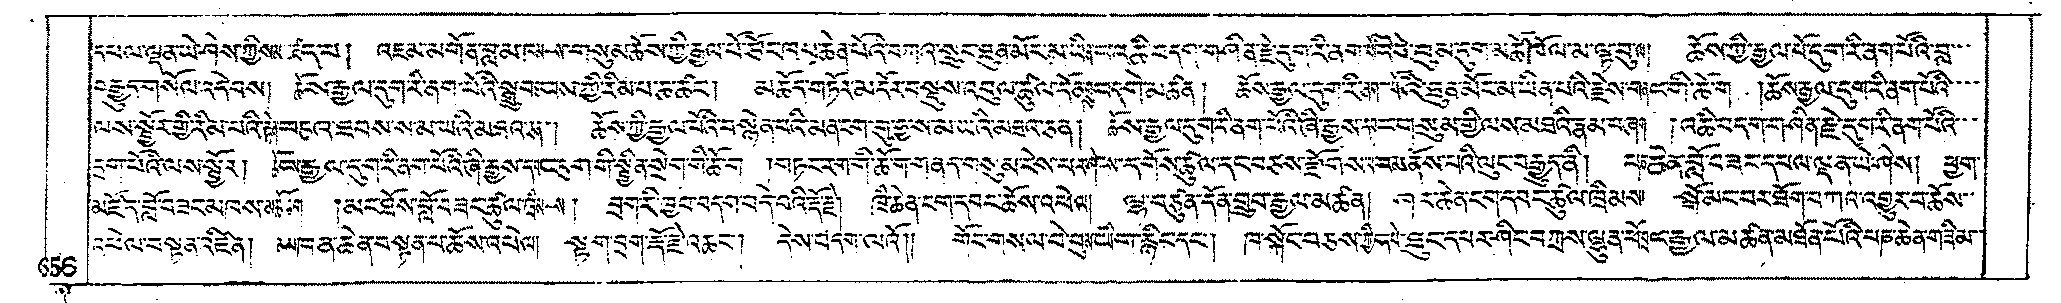དཔལ་ལྡན་ཡེ་ཤེས་ཀྱིས་མཛད་པ། འཇམ་མགོན་བླ་མ་ཁམས་གསུམ་ཆོས་ཀྱི་རྒྱལ་པོ་ཙོང་ཁ་པ་ཆེན་པོའི་བཀའ་སྲུང་ཐུན་མོང་མ་ཡིན་པ་འཆི་བདག་གཤིན་རྗེ་དུག་རི་ནག་པོའི་བེ་བུམ་དུག་མཚོ་ཁོལ་མ་ལྟ་བུ་ལ། ཆོས་ཀྱི་རྒྱལ་པོ་དུག་རི་ནག་པོའི་བླ་
བརྒྱུད་གསོལ་འདེབས། ཆོས་རྒྱལ་དུག་རི་ནག་པོའི་སྒྲུབ་ཐབས་ཀྱི་རིམ་པ་ཆ་ཚང་། མཆོད་གཏོར་མདོར་བསྡུས་འབུལ་ཚུལ་དོན་གྲུབ་དགེ་མཚན། ཆོས་རྒྱལ་དུག་རི་ནག་པོའི་ཐུན་མོང་མ་ཡིན་པའི་རྗེས་གནང་གི་ཆོ་ག །ཆོས་རྒྱལ་དུག་རི་ནག་པོའི་
ལས་སྦྱོར་གྱི་རིམ་པའི་རྟེན་བཅའ་ཐབས་ས་མ་ཡའི་མཐའ་ཅན། ཆོས་ཀྱི་རྒྱལ་པོའི་བསྙེན་པའི་མན་ངག་གུ་ཧྱ་ས་མ་ཡའི་མཐའ་ཅན། ཆོས་རྒྱལ་དུག་རི་ནག་པོའི་ཞི་རྒྱས་དབང་གསུམ་གྱི་ལས་མཐའི་རྣམ་བཞག །འཆི་བདག་གཤིན་རྗེ་དུག་རི་ནག་པོའི་
དྲག་པོའི་ལས་སྦྱོར། ཆོས་རྒྱལ་དུག་རི་ནག་པོའི་ཞི་རྒྱས་དབང་དྲག་གི་སྦྱིན་སྲེག་གི་ཆོ་ག །གཏང་རག་གི་ཆོ་ག་གནད་གསུམ་ངེས་པར་ཤེས་དགོས་ཚུལ་དང་བཅས་རྫོགས་པར་མནོས་པའི་ལུང་བརྒྱུད་ནི། པཎ་ཆེན་བློ་བཟང་དཔལ་ལྡན་ཡེ་ཤེས། ཕྱག་
མཛོད་བློ་བཟང་མཁས་མཆོག །མང་ཐོས་བློ་བཟང་ཚུལ་ཁྲིམས། བྲག་རི་ཁྱབ་བདག་བདེ་བའི་རྡོ་རྗེ། ཁྲི་ཆེན་ངག་དབང་ཆོས་འཕེལ། ལྷ་བཙུན་དོན་གྲུབ་རྒྱལ་མཚན། ཤར་ཆེན་ངག་དབང་ཚུལ་ཁྲིམས། སྒོ་མང་བར་ཐོག་བཀའ་འགྱུར་བ་ཆོས་
འཕེལ་བསྟན་འཛིན། མཁན་ཆེན་བསྟན་པ་ཆོས་འཕེལ། སྟག་བྲག་རྡོ་རྗེ་འཆང་། དེས་བདག་ལའོ།། གོང་གསལ་བེ་བུམ་ཡིག་རྙིང་དང་། ཁ་སྐོང་བཅས་ཀྱི་དཔེ་ཐུང་དཔར་ཤིང་བཀྲས་ལྷུན་ཕོ་བྲང་རྒྱལ་མཚན་མཐོན་པོའི་པཎ་ཆེན་གཟིམ་